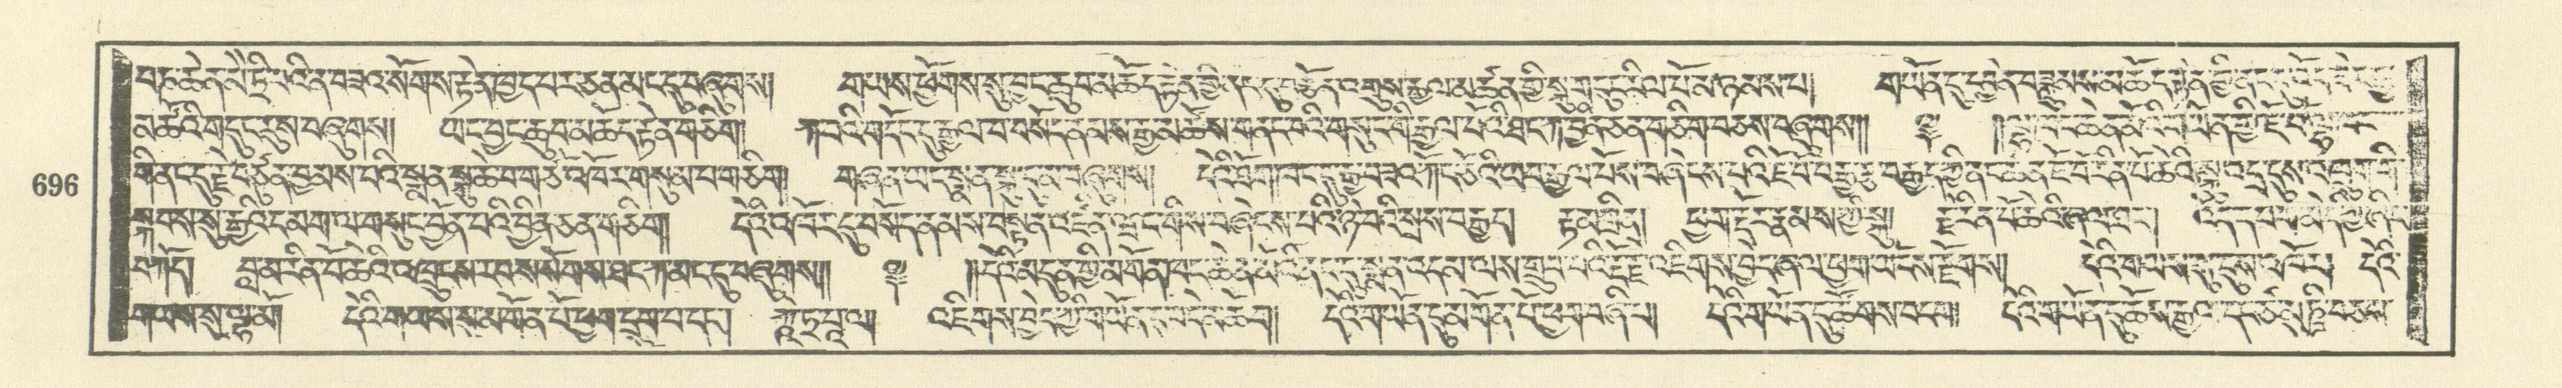པཎ་ཆེན་མཻ་ཏྲི་པའི་ན་བཟའ་སོགས་རྟེན་ཁྱད་པར་ཅན་མང་དུ་བཞུགས། གཡས་ཕྱོགས་སུ་བྱང་ཆུབ་མཆོད་རྟེན་གྱི་ནང་དུ་བརྩོན་འགྲུས་རྒྱལ་མཚན་གྱི་སྐུ་གདུང་རིལ་པོ་མ་ཉམས་པ། གཡོན་དུ་དབྱེན་བཟླུམས་མཆོད་རྟེན་གྱི་ནང་དུ་འོད་ཟེར་རྒྱ་
མཚོའི་གདུང་རུས་བཞུགས། ཡང་བྱང་ཆུབ་མཆོད་རྟེན་གཅིག། ཀ་བའི་གདོང་དུ་རྒྱལ་བ་བསོད་ནམས་རྒྱ་མཚོས་གནང་བའི་གསུང་གི་རྒྱལ་པོའི་ཐང་ཀ་བྱིན་ཅན་གཅིག་བཅས་བཞུགས།། ༈ །།ལྷ་ཁང་ཆེན་མོའི་གཡོན་གྱི་ཇོ་བོ་ལྷ་ཁང་
གི་ནང་དུ་རྗེ་བཙུན་བྱམས་པའི་སྨན་སྐུ་ཆེ་བ་གཙོ་འཁོར་གསུམ་པ་གཅིག། གཞན་ཡང་སྨན་སྐུ་དུ་མ་བཞུགས། དེའི་ཐོག་ཁང་དུ་རྒྱ་བཟའ་ཀོང་ཅོའི་ཡབ་རྒྱལ་པོས་བཞེངས་པའི་ཇོ་བོ་བརྒྱ་རྩ་བརྒྱད་ཀྱི་ནང་ཚན་ཇོ་བོ་རིན་པོ་ཆེའི་སྐུ་འདྲ་དུས་འཁྲུག་གི་
སྐབས་སུ་རྒྱའི་དམག་ལ་གསུང་བྱོན་པའི་བྱིན་ཅན་གཅིག། དེའི་འཁོར་དུ་བསོད་ནམས་བསྟན་འཛིན་ཝང་གིས་བཞེངས་པའི་ཉེ་བའི་སྲས་བརྒྱད། རྟ་མགྲིན། ཕྱག་རྡོར་རྣམས་ཀྱི་སྐུ། རྗེ་རིན་པོ་ཆེའི་ཞལ་ཐང་། འོད་དཔག་མེད་ཀྱི་ཞིང་
བཀོད། བླ་མ་རིན་པོ་ཆེའི་འཁྲུངས་རབས་སོགས་ཐང་ཀ་མང་དུ་བཞུགས།། ༈ །།དེའི་མདུན་གྱི་མགོན་ཁང་ཆེན་མོའི་ནང་དུ་སྨན་འདམ་ལས་གྲུབ་པའི་རྡོ་རྗེ་འཇིགས་བྱེད་ཞལ་ཕྱག་ཡོངས་རྫོགས། དེའི་གཡས་སུ་དུས་འཁོར། དེའི་
གཡས་སུ་ལྷ་མོ། དེའི་གཡས་སུ་མགོན་པོ་ཕྱག་དྲུག་པ་དང་། ཀྵེ་ཏྲ་པཱ་ལ། འཇིགས་བྱེད་ཀྱི་གཡོན་དུ་བདེ་མཆོག། དེའི་གཡོན་དུ་མགོན་པོ་ཕྱག་བཞི་པ། དེའི་གཡོན་དུ་ཚོགས་བདག། དེའི་གཡོན་དུ་ཆོས་རྒྱལ་དང་ཙ་མུཎྜི་བཅས་